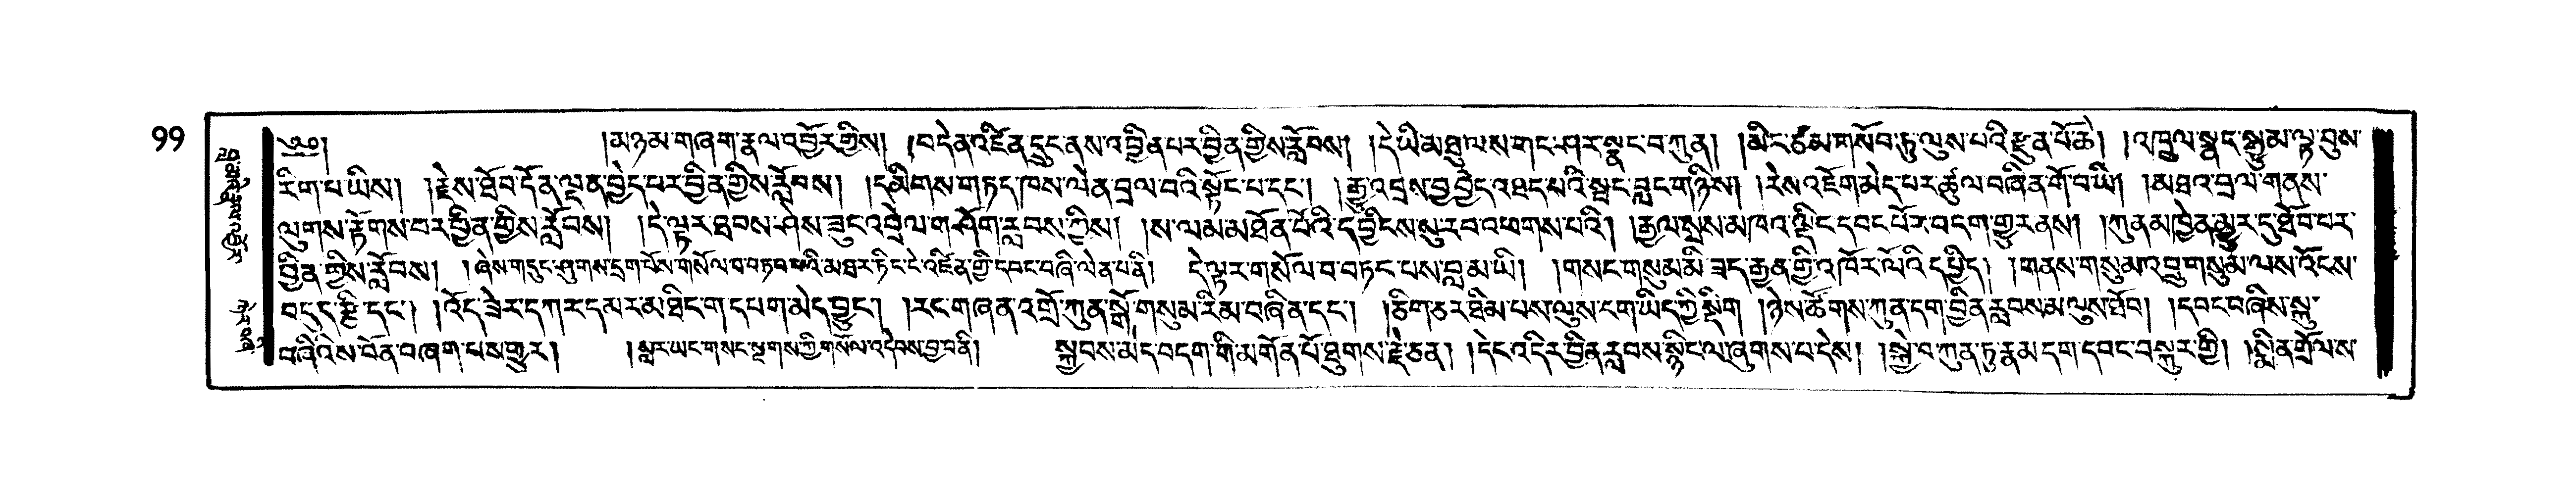༄༅། །མཉམ་གཞག་རྣལ་འབྱོར་གྱིས། །བདེན་འཛིན་དྲུང་ནས་འབྱིན་པར་བྱིན་གྱིས་རློབས། །དེ་ཡི་མཐུ་ལས་གང་ཤར་སྣང་བ་ཀུན། །མིང་ཙམ་གསོབ་ཏུ་ལུས་པའི་རྫུན་པོ་ཆེ། །འཁྲུལ་སྣང་སྒྱུ་མ་ལྟ་བུས་
རིག་པ་ཡིས། །རྗེས་ཐོབ་དོན་ལྡན་བྱེད་པར་བྱིན་གྱིས་རློབས། །དམིགས་གཏད་ཁས་ལེན་བྲལ་བའི་སྟོང་པ་དང་། །རྒྱུ་འབྲས་བྱ་བྱེད་འཐད་པའི་སྤང་བླང་གཉིས། །རེས་འཇོག་མེད་པར་ཚུལ་བཞིན་གོ་བ་ཡི། །མཐའ་བྲལ་གནས་
ལུགས་རྟོགས་པར་བྱིན་གྱིས་རློབས། །དེ་ལྟར་ཐབས་ཤེས་ཟུང་འབྲེལ་གཤོག་རླབས་ཀྱིས། །ས་ལམ་མཐོན་པོའི་དབྱིངས་སུ་རབ་འཕགས་པའི། །རྒྱལ་སྲས་མཁའ་ལྡིང་དབང་པོར་བདག་གྱུར་ནས། །ཀུན་མཁྱེན་མྱུར་དུ་ཐོབ་པར་
བྱིན་གྱིས་རློབས། །ཞེས་གདུང་ཤུགས་དྲག་པོས་གསོལ་བ་བཏབ་པའི་མཐར་ཏིང་ངེ་འཛིན་གྱི་དབང་བཞི་ལེན་པ་ནི། དེ་ལྟར་གསོལ་བ་བཏང་པས་བླ་མ་ཡི། །གསང་གསུམ་མི་ཟད་རྒྱན་གྱི་འཁོར་ལོའི་དཔྱིད། །གནས་གསུམ་འབྲུ་གསུམ་ལས་འོངས་
བདུད་རྩི་དང་། །འོད་ཟེར་དཀར་དམར་མཐིང་ག་དཔག་མེད་བྱུང་། །རང་གཞན་འགྲོ་ཀུན་སྒོ་གསུམ་རིམ་བཞིན་དང་། །ཅིག་ཅར་ཐིམ་པས་ལུས་ངག་ཡིད་ཀྱི་སྡིག །ཉེས་ཚོགས་ཀུན་དག་བྱིན་རླབས་མ་ལུས་ཐོབ། །དབང་བཞིས་སྐུ་
བཞིའི་ས་བོན་བཞག་པས་གྱུར། །སླར་ཡང་གསང་སྔགས་ཀྱི་གསོལ་འདེབས་བྱ་བ་ནི། སྐྱབས་མེད་བདག་གི་མགོན་པོ་ཐུགས་རྗེ་ཅན། །དེང་འདིར་བྱིན་རླབས་སྙིང་ལ་ཞུགས་པ་དེས། །སྐྱེ་བ་ཀུན་ཏུ་རྣམ་དག་དབང་བསྐུར་གྱི། །སྨིན་གྲོལ་ས་